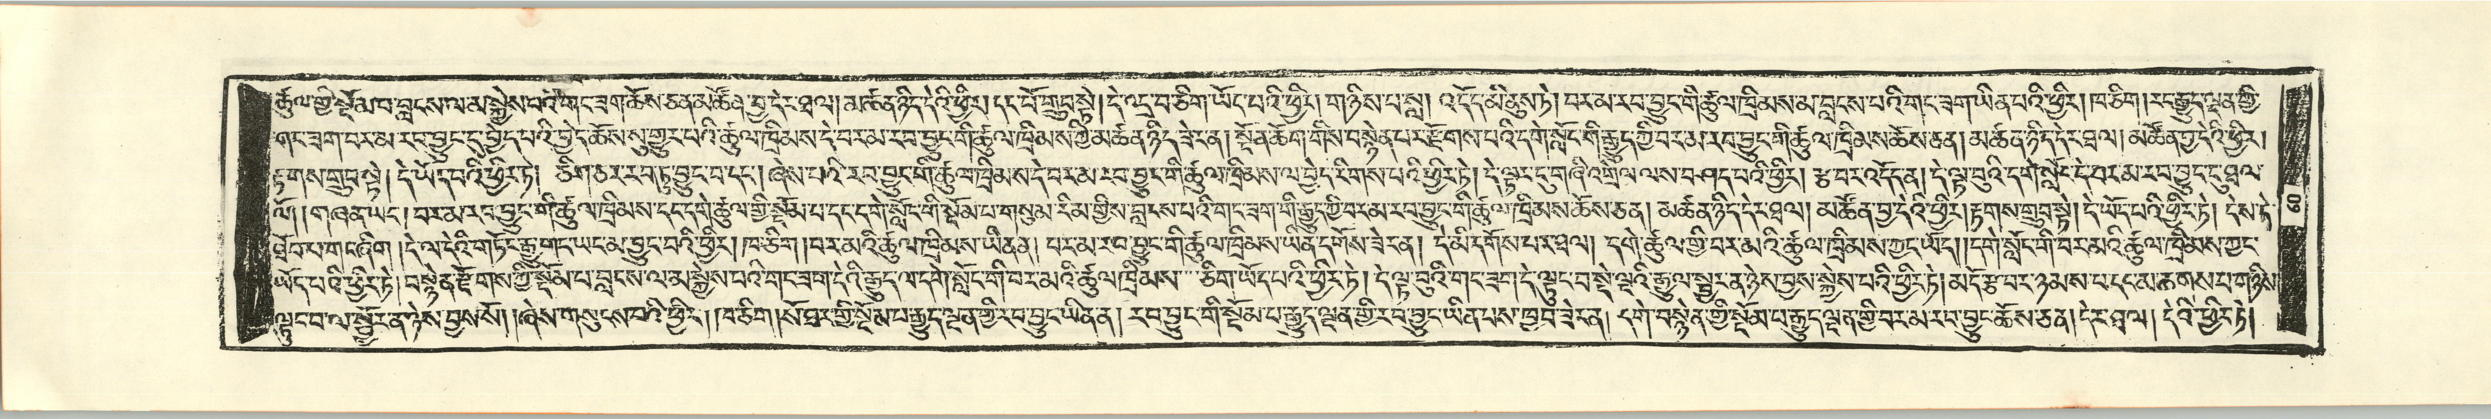ཚུལ་གྱི་སྡོམ་པ་བླངས་ལ་མ་སྐྱེས་པའི་གང་ཟག་ཆོས་ཅན་མཚོན་བྱ་དེར་ཐལ། མཚན་ཉིད་དེའི་ཕྱིར། དང་པོ་གྲུབ་སྟེ། དེ་འདྲ་བ་ཅིག་ཡོད་པའི་ཕྱིར། གཉིས་པ་སླ། འདོད་མི་ནུས་ཏེ། བར་མ་རབ་བྱུང་གི་ཚུལ་ཁྲིམས་མ་བླངས་པའི་གང་ཟག་ཡིན་པའི་ཕྱིར། ཁ་ཅིག །རང་རྒྱུད་ལྡན་གྱི་
གང་ཟག་བར་མ་རབ་བྱུང་དུ་བྱེད་པའི་བྱེད་ཆོས་སུ་གྱུར་པའི་ཚུལ་ཁྲིམས་དེ་བར་མ་རབ་བྱུང་གི་ཚུལ་ཁྲིམས་ཀྱི་མཚན་ཉིད་ཟེར་ན། སྔོན་ཆོག་གིས་བསྙེན་པར་རྫོགས་པའི་དགེ་སློང་གི་རྒྱུད་ཀྱི་བར་མ་རབ་བྱུང་གི་ཚུལ་ཁྲིམས་ཆོས་ཅན། མཚན་ཉིད་དེར་ཐལ། མཚོན་བྱ་དེའི་ཕྱིར།
རྟགས་གྲུབ་སྟེ། དེ་ཡོད་པའི་ཕྱིར། ཅིག་ཅར་རབ་ཏུ་བྱུང་བ་དང་། ཞེས་པའི་རབ་བྱུང་གི་ཚུལ་ཁྲིམས་དེ་བར་མ་རབ་བྱུང་གི་ཚུལ་ཁྲིམས་ལ་བྱེད་རིགས་པའི་ཕྱིར་ཏེ། དེ་ལྟར་དུ་གཞི་འགྲེལ་ལས་བཤད་པའི་ཕྱིར། རྩ་བར་འདོད་ན། དེ་ལྟ་བུའི་དགེ་སློང་དེ་བར་མ་རབ་བྱུང་དུ་ཐལ་
ལོ། །གཞན་ཡང་། བར་མ་རབ་བྱུང་གི་ཚུལ་ཁྲིམས་དང་དགེ་ཚུལ་གྱི་སྡོམ་པ་དང་དགེ་སློང་གི་སྡོམ་པ་གསུམ་རིམ་གྱིས་བླངས་པའི་གང་ཟག་གི་རྒྱུད་ཀྱི་བར་མ་རབ་བྱུང་གི་ཚུལ་ཁྲིམས་ཆོས་ཅན། མཚན་ཉིད་དེར་ཐལ། མཚོན་བྱ་དེའི་ཕྱིར། རྟགས་གྲུབ་སྟེ། དེ་ཡོད་པའི་ཕྱིར་ཏེ། དེས་དེ་
ཐོབ་པ་གང་ཞིག །དེ་ལ་དེའི་གཏོང་རྒྱུ་གང་ཡང་མ་བྱུང་བའི་ཕྱིར། ཁ་ཅིག །བར་མའི་ཚུལ་ཁྲིམས་ཡིན་ན། བར་མ་རབ་བྱུང་གི་ཚུལ་ཁྲིམས་ཡིན་དགོས་ཟེར་ན། དེ་མི་དགོས་པར་ཐལ། དགེ་ཚུལ་གྱི་བར་མའི་ཚུལ་ཁྲིམས་ཀྱང་ཡོད། །དགེ་སློང་གི་བར་མའི་ཚུལ་ཁྲིམས་ཀྱང་
ཡོད་པའི་ཕྱིར་ཏེ། བསྙེན་རྫོགས་ཀྱི་སྡོམ་པ་བླངས་ལ་མ་སྐྱེས་པའི་གང་ཟག་དེའི་རྒྱུད་ལ་དགེ་སློང་གི་བར་མའི་ཚུལ་ཁྲིམས་ཅིག་ཡོད་པའི་ཕྱིར་ཏེ། དེ་ལྟ་བུའི་གང་ཟག་དེ་ལྟུང་བ་སྡེ་ལྔའི་རྒྱུ་ལ་སྦྱར་ན་ཉེས་བྱས་སྐྱེས་པའི་ཕྱིར་ཏེ། མདོ་རྩ་བར་ཉམས་པ་དང་མ་ཆགས་པ་གཉིས་
ལྟུང་བ་ལ་སྦྱོར་ན་ཉེས་བྱས་སོ། །ཞེས་གསུངས་པའི་ཕྱིར། ཁ་ཅིག །སོ་ཐར་གྱི་སྡོམ་པ་རྒྱུད་ལྡན་གྱི་རབ་བྱུང་ཡིན་ན། རབ་བྱུང་གི་སྡོམ་པ་རྒྱུད་ལྡན་གྱི་རབ་བྱུང་ཡིན་པས་ཁྱབ་ཟེར་ན། དགེ་བསྙེན་གྱི་སྡོམ་པ་རྒྱུད་ལྡན་གྱི་བར་མ་རབ་བྱུང་ཆོས་ཅན། དེར་ཐལ། དེའི་ཕྱིར་ཏེ།